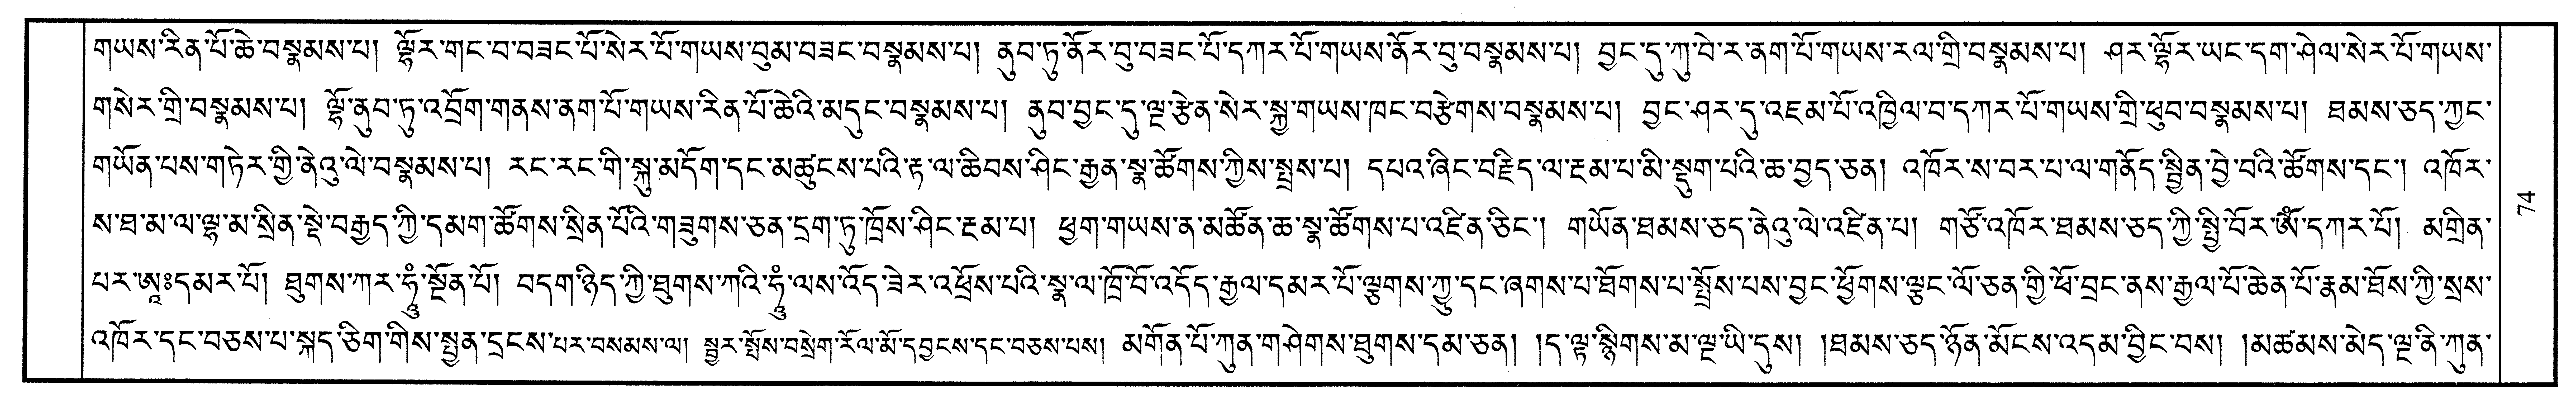གཡས་རིན་པོ་ཆེ་བསྣམས་པ། ལྷོར་གང་བ་བཟང་པོ་སེར་པོ་གཡས་བུམ་བཟང་བསྣམས་པ། ནུབ་ཏུ་ནོར་བུ་བཟང་པོ་དཀར་པོ་གཡས་ནོར་བུ་བསྣམས་པ། བྱང་དུ་ཀུ་བེ་ར་ནག་པོ་གཡས་རལ་གྲི་བསྣམས་པ། ཤར་ལྷོར་ཡང་དག་ཤེལ་སེར་པོ་གཡས་
གསེར་གྲི་བསྣམས་པ། ལྷོ་ནུབ་ཏུ་འབྲོག་གནས་ནག་པོ་གཡས་རིན་པོ་ཆེའི་མདུང་བསྣམས་པ། ནུབ་བྱང་དུ་ལྔ་རྩེན་སེར་སྐྱ་གཡས་ཁང་བརྩེགས་བསྣམས་པ། བྱང་ཤར་དུ་འཇམ་པོ་འཁྱིལ་བ་དཀར་པོ་གཡས་གྲི་ཕུབ་བསྣམས་པ། ཐམས་ཅད་ཀྱང་
གཡོན་པས་གཏེར་གྱི་ནེའུ་ལེ་བསྣམས་པ། རང་རང་གི་སྐུ་མདོག་དང་མཚུངས་པའི་རྟ་ལ་ཆིབས་ཤིང་རྒྱན་སྣ་ཚོགས་ཀྱིས་སྤྲས་པ། དཔའ་ཞིང་བརྗིད་ལ་རྔམ་པ་མི་སྡུག་པའི་ཆ་བྱད་ཅན། འཁོར་ས་བར་པ་ལ་གནོད་སྦྱིན་བྱེ་བའི་ཚོགས་དང་། འཁོར་
ས་ཐ་མ་ལ་ལྷ་མ་སྲིན་སྡེ་བརྒྱད་ཀྱི་དམག་ཚོགས་སྲིན་པོའི་གཟུགས་ཅན་དྲག་ཏུ་ཁྲོས་ཤིང་རྔམ་པ། ཕྱག་གཡས་ན་མཚོན་ཆ་སྣ་ཚོགས་པ་འཛིན་ཅིང་། གཡོན་ཐམས་ཅད་ནེའུ་ལེ་འཛིན་པ། གཙོ་འཁོར་ཐམས་ཅད་ཀྱི་སྤྱི་བོར་ཨོཾ་དཀར་པོ། མགྲིན་
པར་ཨཱཿ དམར་པོ། ཐུགས་ཀར་ཧཱུཾ་སྔོན་པོ། བདག་ཉིད་ཀྱི་ཐུགས་ཀའི་ཧཱུཾ་ལས་འོད་ཟེར་འཕྲོས་པའི་སྣ་ལ་ཁྲོ་བོ་འདོད་རྒྱལ་དམར་པོ་ལྕགས་ཀྱུ་དང་ཞགས་པ་ཐོགས་པ་སྤྲོས་པས་བྱང་ཕྱོགས་ལྕང་ལོ་ཅན་གྱི་ཕོ་བྲང་ནས་རྒྱལ་པོ་ཆེན་པོ་རྣམ་ཐོས་ཀྱི་སྲས་
འཁོར་དང་བཅས་པ་སྐད་ཅིག་གིས་སྤྱན་དྲངས་པར་བསམས་ལ། སྦྱར་སྤོས་བསྲེག་རོལ་མོ་དབྱངས་དང་བཅས་པས། མགོན་པོ་ཀུན་གཤེགས་ཐུགས་དམ་ཅན། །ད་ལྟ་སྙིགས་མ་ལྔ་ཡི་དུས། །ཐམས་ཅད་ཉོན་མོངས་འདམ་བྱིང་བས། །མཚམས་མེད་ལྔ་ནི་ཀུན་